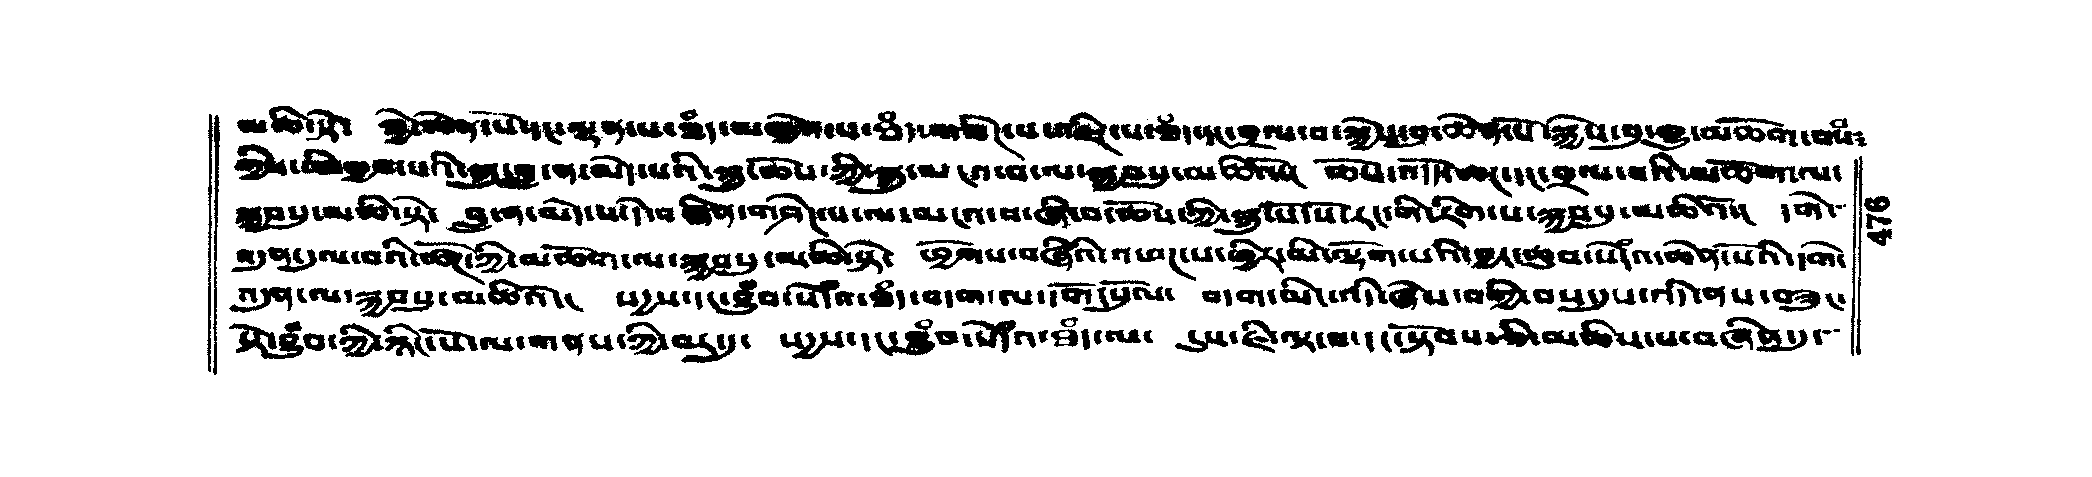མཆི་སྟེ། ཐུགས་རྗེ་ཆེན་པོ་དང་ལྡན་པ་ཐམས་ཅད་མཁྱེན་པ་ཐམས་ཅད་གཟིགས་པ་འཇིགས་པ་ཐམས་ཅད་དང་བྲལ་བ་སྐྱེས་བུ་ཆེན་པོ་སྐྱེས་བུ་ཁྱུ་མཆོག་བསམ་
གྱིས་མི་ཁྱབ་པའི་སྐུ་བླ་ན་མེད་པའི་སྐུ་ཆོས་ཀྱི་སྐུ་མངའ་བ་ལ་སྐྱབསསུ་ལམཆིའོ། ཆོས་འདོད་དང་བྲལ་བའི་མཆོག་ལ་
སྐྱབས་སུ་མཆི་སྟེ། བླ་ན་མེད་པའི་བདེ་བཞིན་བཤེགས་པ་ལ་མངའ་བ་ཞི་བ་ཆོས་ཀྱི་སྐུ་སོ་སོ་རང་གི་རིག་པ་སྐྱབས་སུ་མཆིའོ། དགེ་
འདུན་འདུལ་བའི་ཚོགས་ཀྱི་མཆོག་ལ་སྐྱབས་སུ་འཆི་སྟེ། ཕྱོགས་བཞིའི་འཕགས་པ་ཕྱིར་མི་ལྡོག་པའི་བྱང་ཆུབ་སེམས་དཔའ་ཆེན་པོའ་དགེ་
འདུན་ལ་སྐྱབས་སུ་མཆིའོ།སངས་རྒྱས་དང་བྱང་ཆུབ་སེམས་དཔའ་ཐམས་ཅད་བདག་ལ་དགོངས་སུ་གསོལ། བདག་མིང་འདི་ཞེས་བགྱི་བས་དུས་འདི་ནས་བཟུང་
སྟེ་བྱང་ཆུབ་ཀྱི་སྙིང་པོ་ལ་གནས་ཀྱི་བར་དུ། སངས་རྒྱས་དང་བྱང་ཆུབ་སེམས་དཔའ་ཐམས་ཅད་ལ། །དུས་ཇི་ལྟ་བ་དང་སྟོབས་ཅི་མཆིས་པ་བཞིན་དུ་